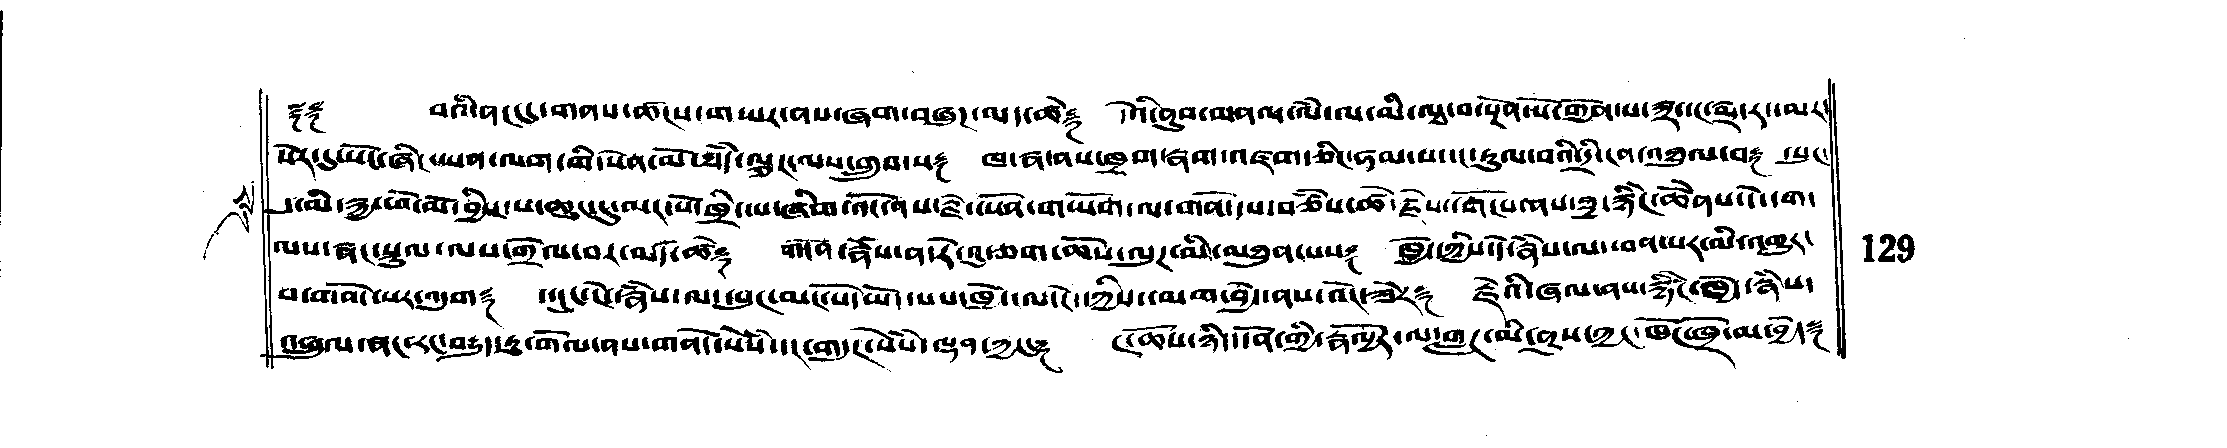བའི་ནང་དུ་གནས་ཚངས་གཡར་ནས་ཞག་བཞུགས་མཛད་ཚེ། དེའི་ནུབ་མནལ་ལམ་ལ་མི་ལྭ་བ་སྔོན་པོ་གྱོན་པ་སྐྲ་དང་སྨ་ར་དམར་
སེར་དུ་སོང་ཞིང་ཡན་ལག་གི་སེན་མོ་ཐམས་ཅད་ལྕགས་ལས་གྲུབ་པ། ཁ་སྣ་ནས་ཁྲག་རྣག་འཛག་ཅིང་ཧམ་པ་དང་ཏུལ་བའི་དྲི་ངན་འཐུལ་བ། དཔུང་
དུ་མི་སྐྱ་ཕོ་མོ་བྱིས་པ་ཆུང་ངུ་མང་པོ་ཁྲིད་པ་ཞིག་འོང་ནས་རྗེ་དཔོན་གཡོག་ལ་གནོད་པ་བརྩམས་ཚེ་རྗེས་དགོངས་ནས་ཐུགས་སྙིང་རྗེ་ཆེན་པོས་དེ་དག་
ལས་སྣང་སྡུག་བསྔལ་ལས་གྲོལ་བར་མཛད་ཚེ། གདོན་རྣམས་ན་རེ་འུ་ཅག་ཆོས་ལུགས་མི་མཐུན་པས། ཁྱོད་ཀྱིས་དེ་རྣམས་ལ་ཕན་པར་མི་འགྱུར་
བ་གནོད་པར་འདུག ད་དུང་ངེད་རྣམས་ལ་དཔུང་མང་པོ་ཡོད་པས་ཁྱོད་ལ་ངེད་ཀྱིས་དམག་བྱེད་ནས་འོང་ཟེར། རྗེའི་ཞལ་ནས་སྙིང་རྗེ། ཁྱེད་རྣམས་
འཁྲུལ་སྣང་རང་བརྒྱུད་དུ་གོལ་ནས་གནོད་སེམས་དང་གདུག་སེམས་ལྡན་ཀྱང་། ང་ཆོས་ཉིད་དོན་གྱི་རྣལ་འབྱོར་ལ་གླགས་མི་ནུས་ཀྱང་ཁོང་ཁྲོ་མ་བྱེད།